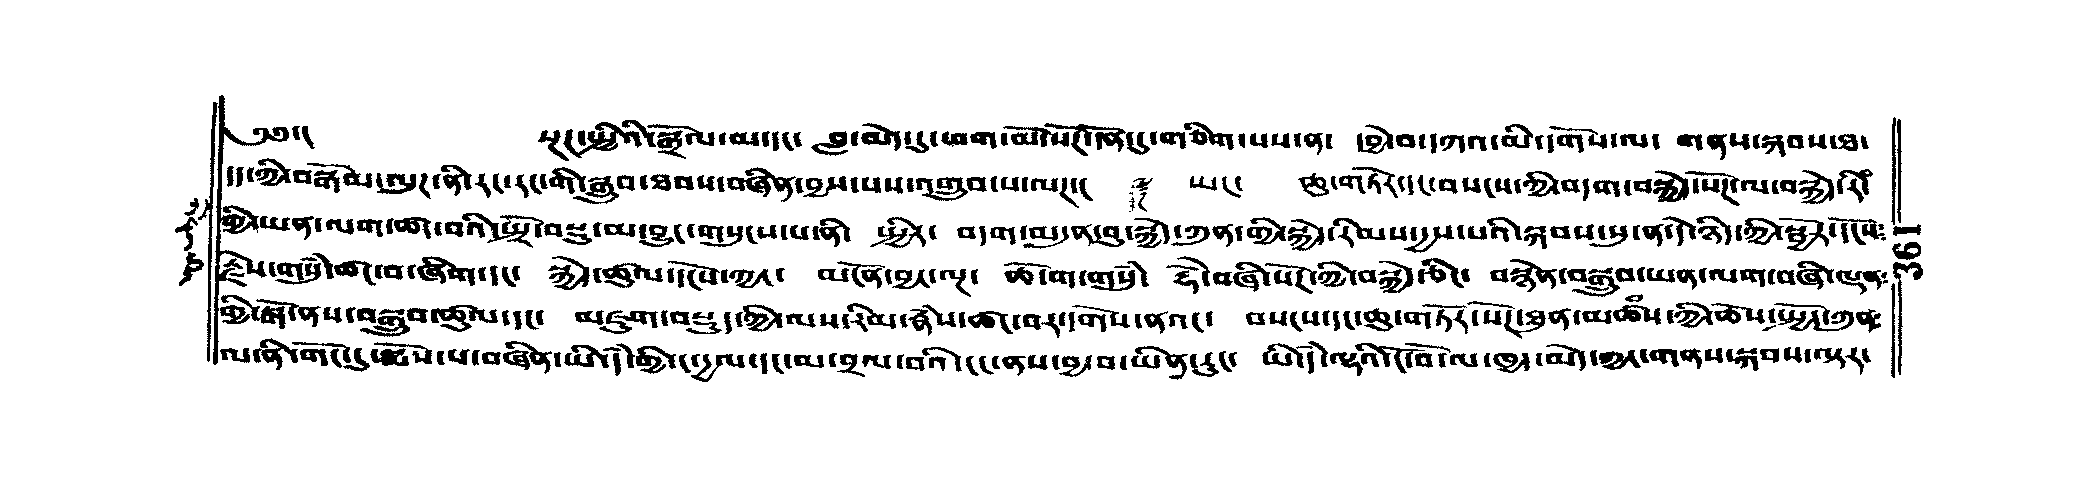སྔགས་སྤྱིའི་སྒྲོལ་མ་དང་། བླ་མེད་དུ་ཕག་མོ་སོགས་དོན་དུ་གཅིག་པས་ན། དབྱེ་བ་དཀའ་མི་དགོས་ལ། གནས་སྐབས་ཐ་
དད་ཀྱི་བསྒོམ་ལུགས་ནི་རང་རང་གི་སྒྲུབ་ཐབས་བཞིན་བྱས་པས་འགྲུབ་པ་ལགས། ༈ ཡང་། ཆུ་གཏོར་དང་བསངས་ཀྱི་བདག་བསྐྱེད་སོགས་ལ་བསྐྱེད་རིམ་
གྱི་ཡན་ལག་ཚང་པའི་སྤྲོ་བསྡུ་མ་བྱུང་གསུངས་པ་ནི། སྤྱིར་བདག་མདུན་བུམ་སྐྱེད་ཀུན་གྱི་བསྐྱེད་རིམ་རྒྱས་པའི་སྐབས་སུ་ན་དེ་ཉིད་ཀྱི་སྦྱོར་དངོས་
རྗེས་གསུམ་ཚང་བ་ཞིག་དང་། སྐྱེད་ཚུལ་དངོས་ཀྱང་། མངོན་བྱང་ལྔ། ཆོ་ག་གསུམ། རྡོ་རྗེ་བཞི་སོགས་ཀྱི་བསྐྱེད་ཅིང་། བསྙེན་བསྒྲུབ་ཡན་ལག་བཞི་ལྡན་
གྱི་སྒོ་ནས་བསྒྲུབ་ཚུལ་དང་། མཇུག་བསྡུད་ཀྱི་ལས་རིམ་རྣམས་ཚང་བར་དགོས་ནའང་། བསངས་དང་ཆུ་གཏོར་སོགས་ཐུན་མཚམས་ཀྱི་ཆོས་སྤྱོད་ཀུན་
ལ་ནི་གོང་དུ་སྨོས་པ་བཞིན་ཡི་དམ་གྱི་ང་རྒྱལ་དང་མ་བྲལ་བའི་ངང་ནས་བྱ་བ་ཡིན་རུང་། ཡི་དམ་ལྷའི་ངོ་བོ་ལ་ཁྱད་མེད་ཀྱང་གནས་སྐབས་ལྟར་